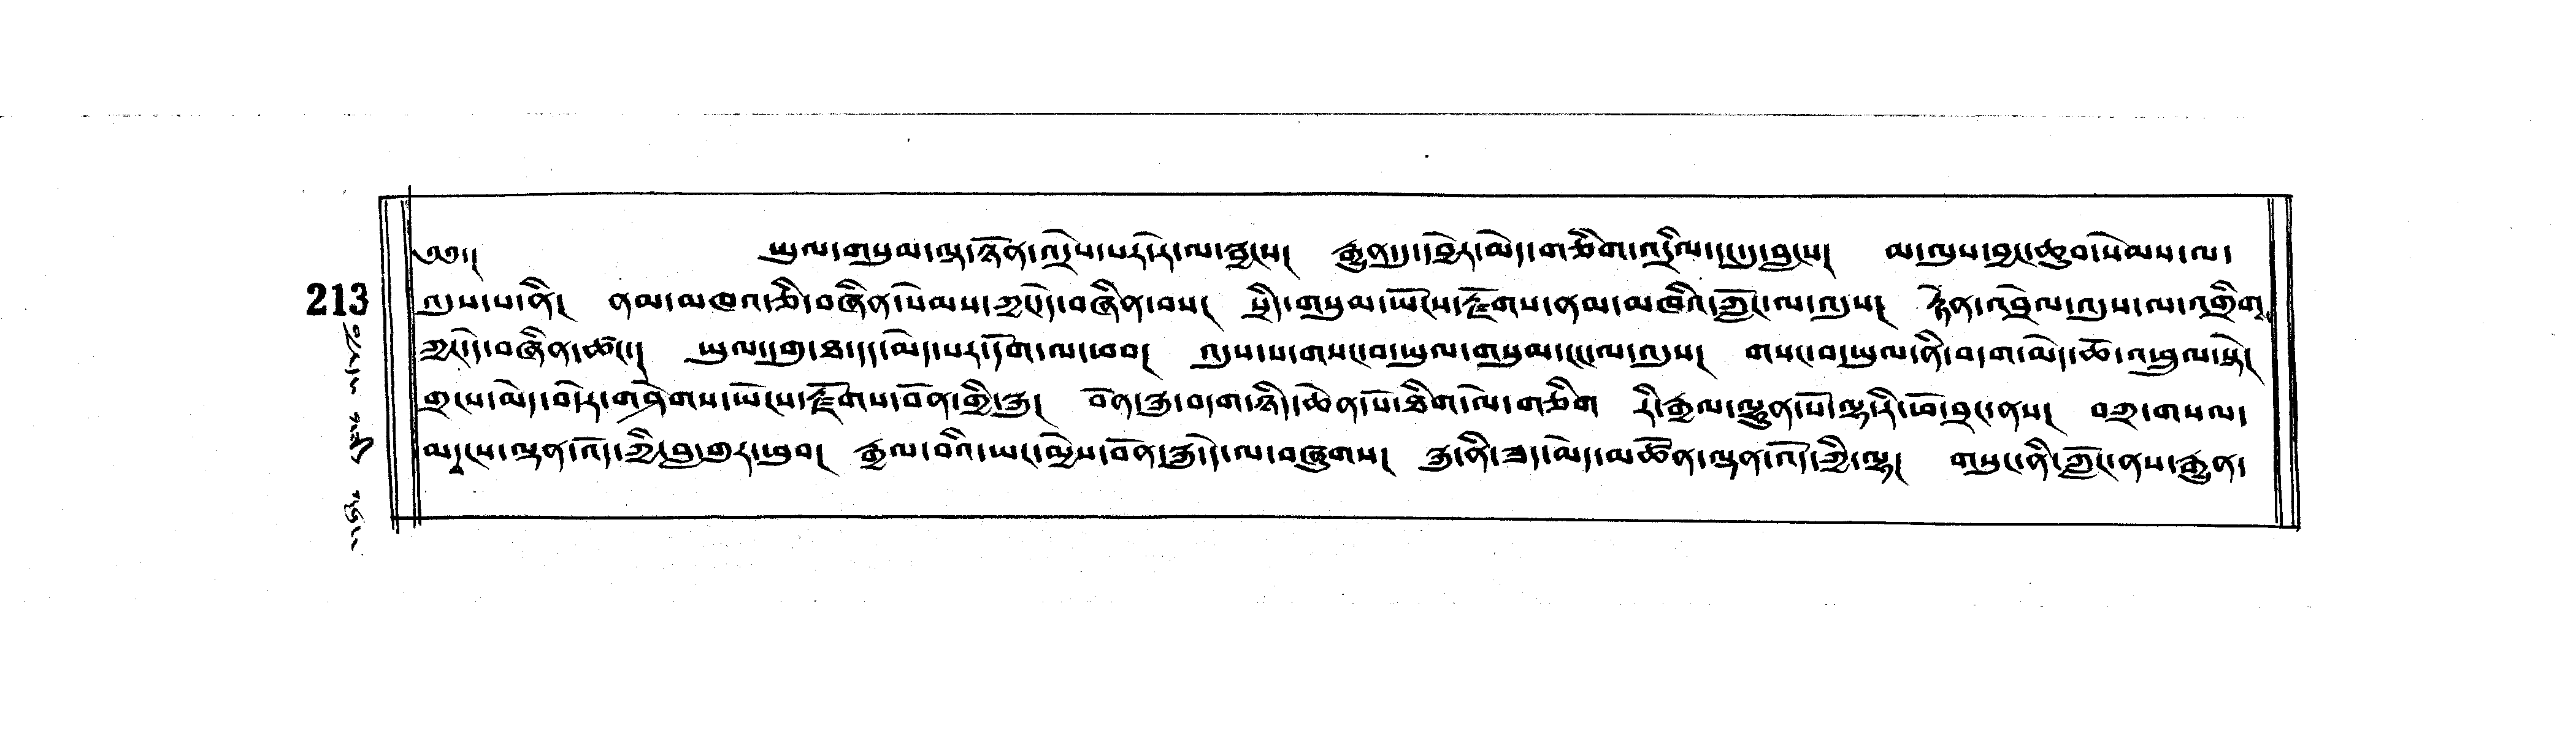ཡུལ་གསུམ་ལྟ་ཉོན་འདྲེས་པར་རེ་ལ་སྦྱངས། རྒྱུན་དུ་དབྱེར་མེད་གཅིག་འདྲིལ་དང་དུ་བླང་། མ་ལུས་བྱང་ཆུབ་སེམས་ལ་
འདུས་པ་ནི། ནམ་མཁའ་ཅི་བཞིན་སེམས་ཀྱང་དེ་བཞིན་བས། སྲིད་གསུམ་ཡོངས་རྫོགས་ནམ་མཁའི་ཀློང་ལ་འདུས། རྟེན་འབྲེལ་འདུས་ལ་འགྲིགས་
ཀྱང་དེ་བཞིན་ཚང་། ཡུལ་དགུ་ཐ་དད་མེད་པར་དོག་ལ་ཕབ། འདུས་པ་གསང་བ་ཡུལ་གསུམ་ངང་ལ་འདུས། གསང་བ་ཡུལ་ནི་བདག་མེད་ཆོ་འཕྲུལ་ཏེ། 
གྲངས་མེད་བདེར་གཤེགས་ཡོངས་རྫོགས་བོན་གྱི་སྐུ། བོན་སྐུ་བདག་ཉིད་ཆེན་པོ་ཐིག་ལེ་གཅིག། རི་རྒྱལ་ལྷུན་པོ་ལྷ་ཡི་ཕོ་བྲང་ནས། བཀྲ་གསལ་
མདངས་ལྡན་འོད་ཀྱི་བླ་གུར་ཕུབ། རྒྱལ་བའི་ཡང་མྱེས་བོན་སྐུ་དེ་ན་བཞུགས། སྐུ་ནི་ཟཛ་མེད་མཚོན་ལྡན་འོད་ཀྱི་ལྷ། གསུང་ནི་ཀློང་ནས་རྒྱུན་